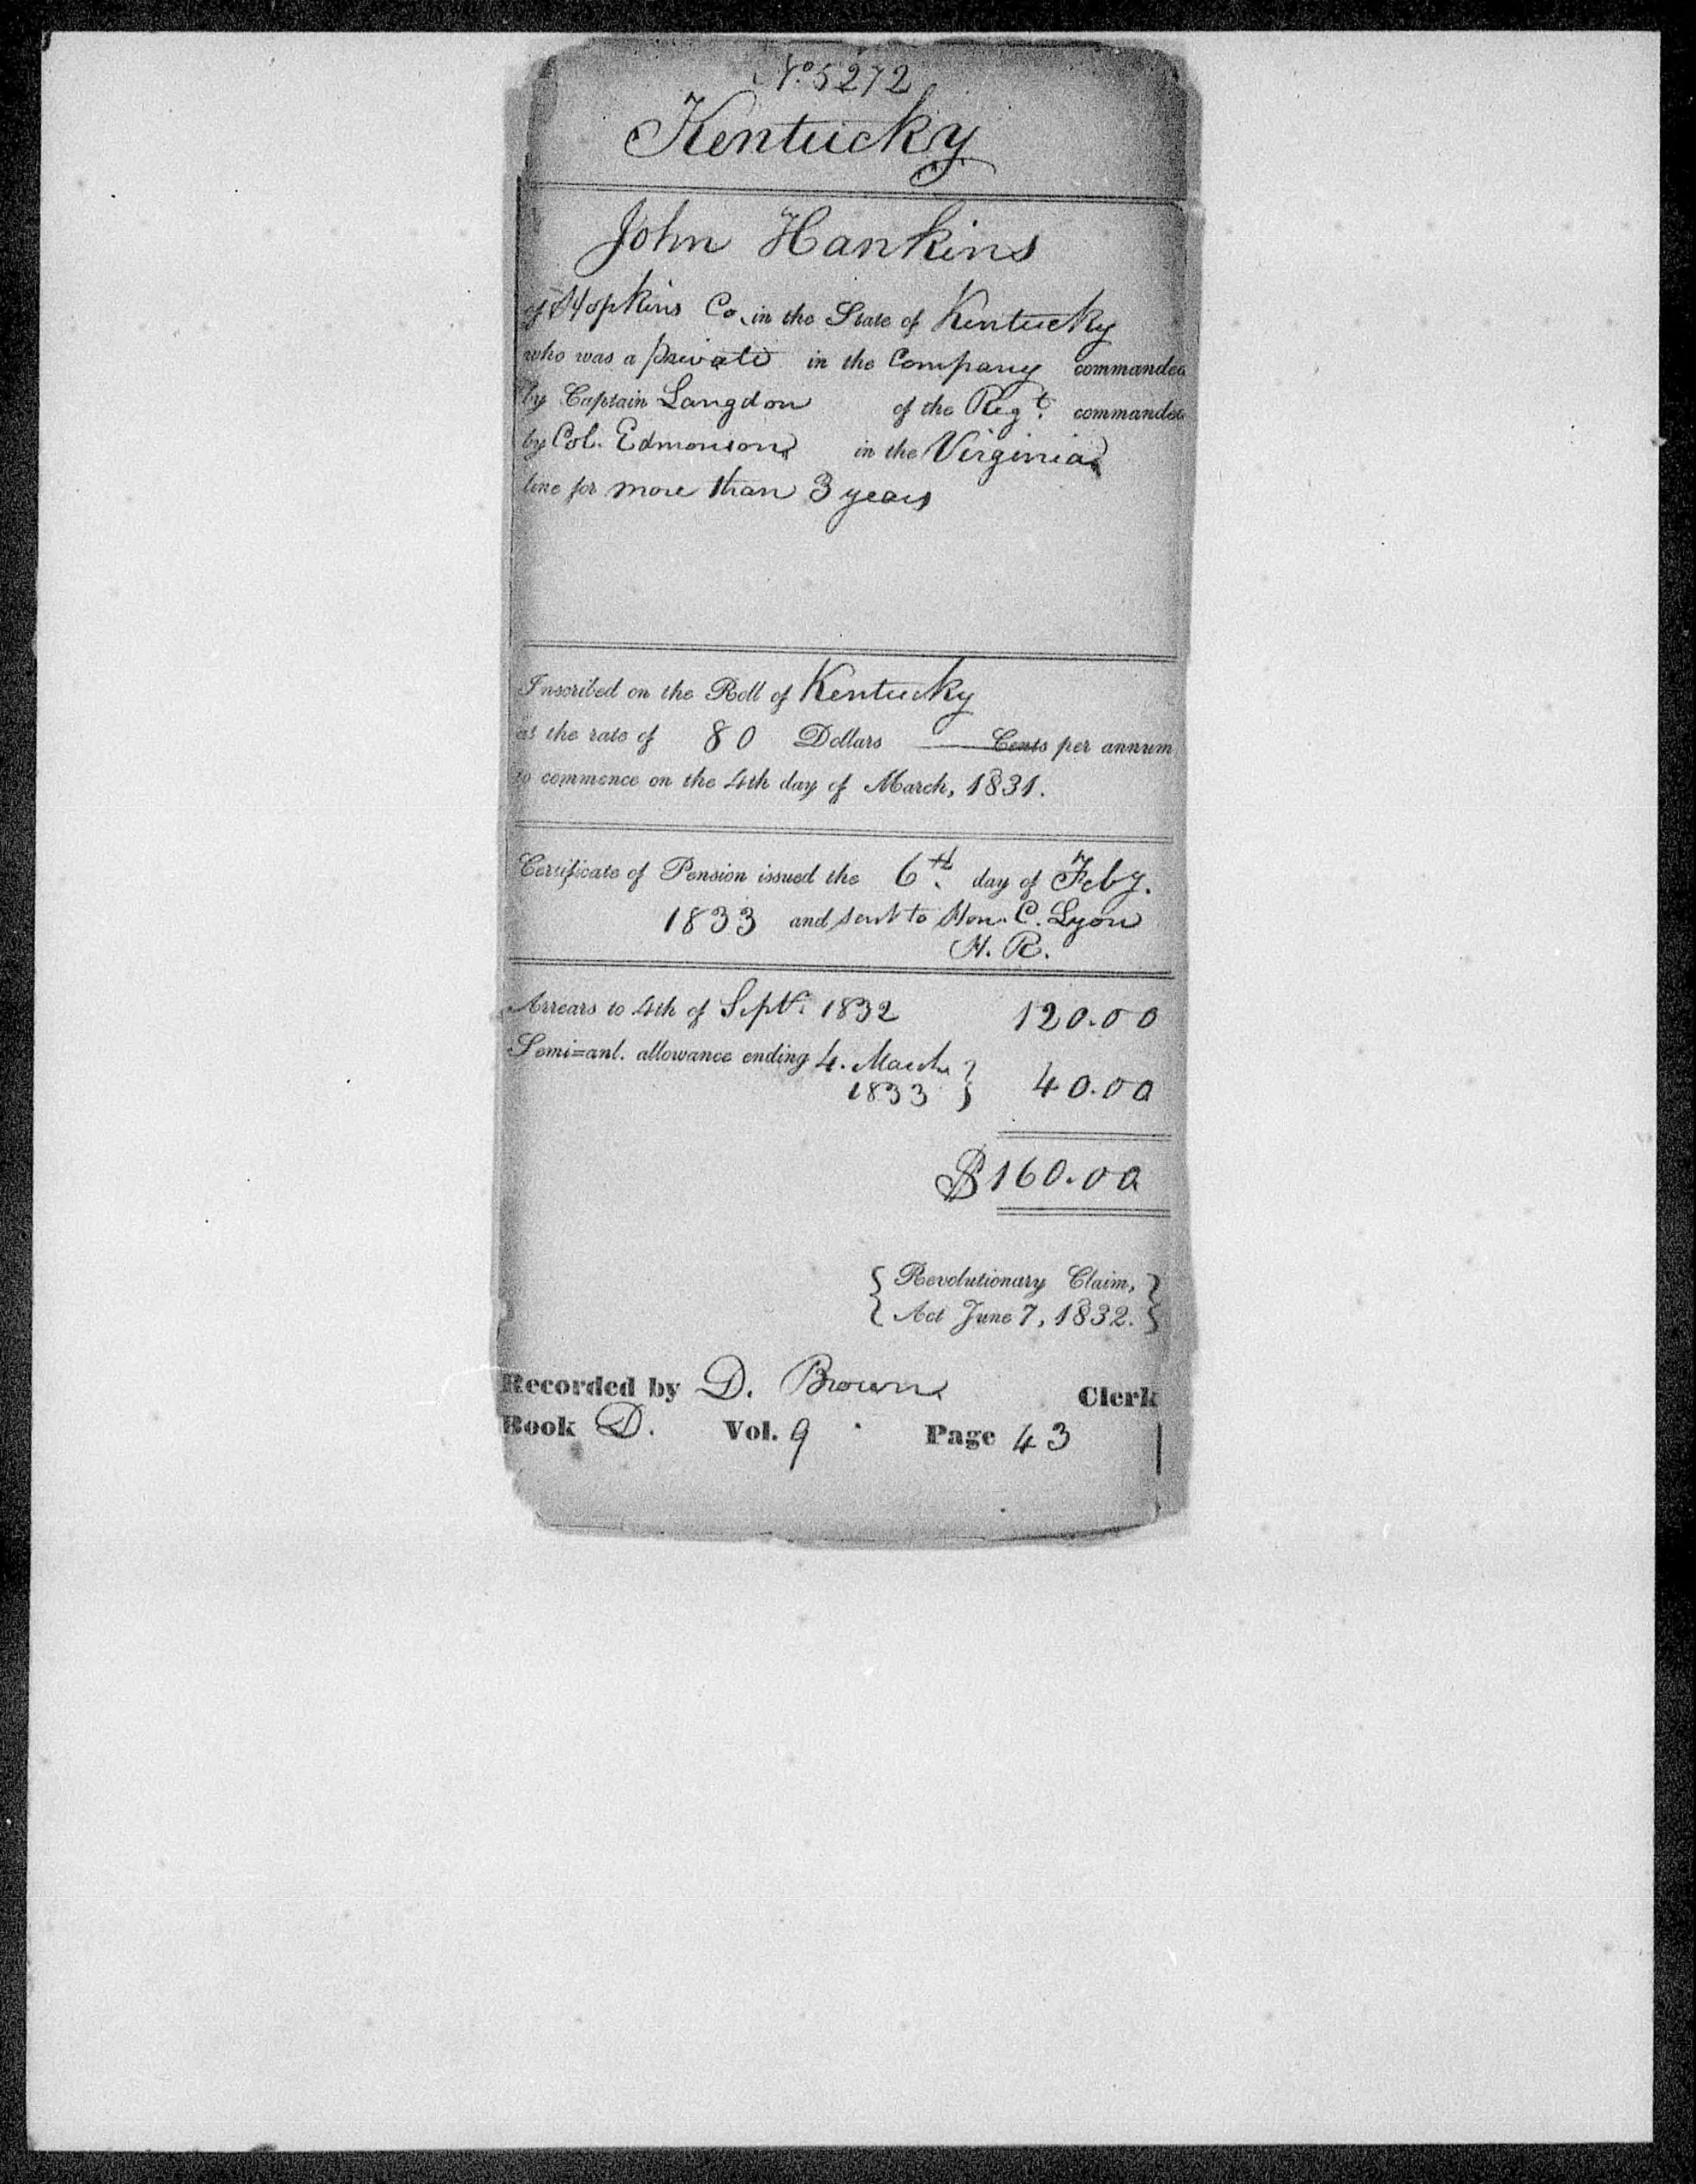No. 5272
Kentucky
John Hankins
of Hopkins Co. in the State of Kentucky who was a Private in the company commanded by Captain Langon of the Regt. commanded by Col. Edmonson in the Virginia line for more than 3 years

Inscribed on the Roll of Kentucky at the rate of 80 Dollars — Cents per annum to commence on the 4th day of March, 1834.

Certificate of Pension issued the 6th day of Feby. 1833 and sent to Hon. C. Lyon H.R.

Arrears to 4th of Sept. 1832     120.00
Semi=anl. allowance ending 4. March 1833     40.00
$160.00
Revolutionary Claim,
Act June 7, 1832

Recorded by D. Brown Clerk
Book D. Vol. 9 Page 43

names: John Hankins, D Brown, C Lyon, Langdon, Edmonson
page: 2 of 19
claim: survivor's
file: S. 16404, John Hankins, Va.